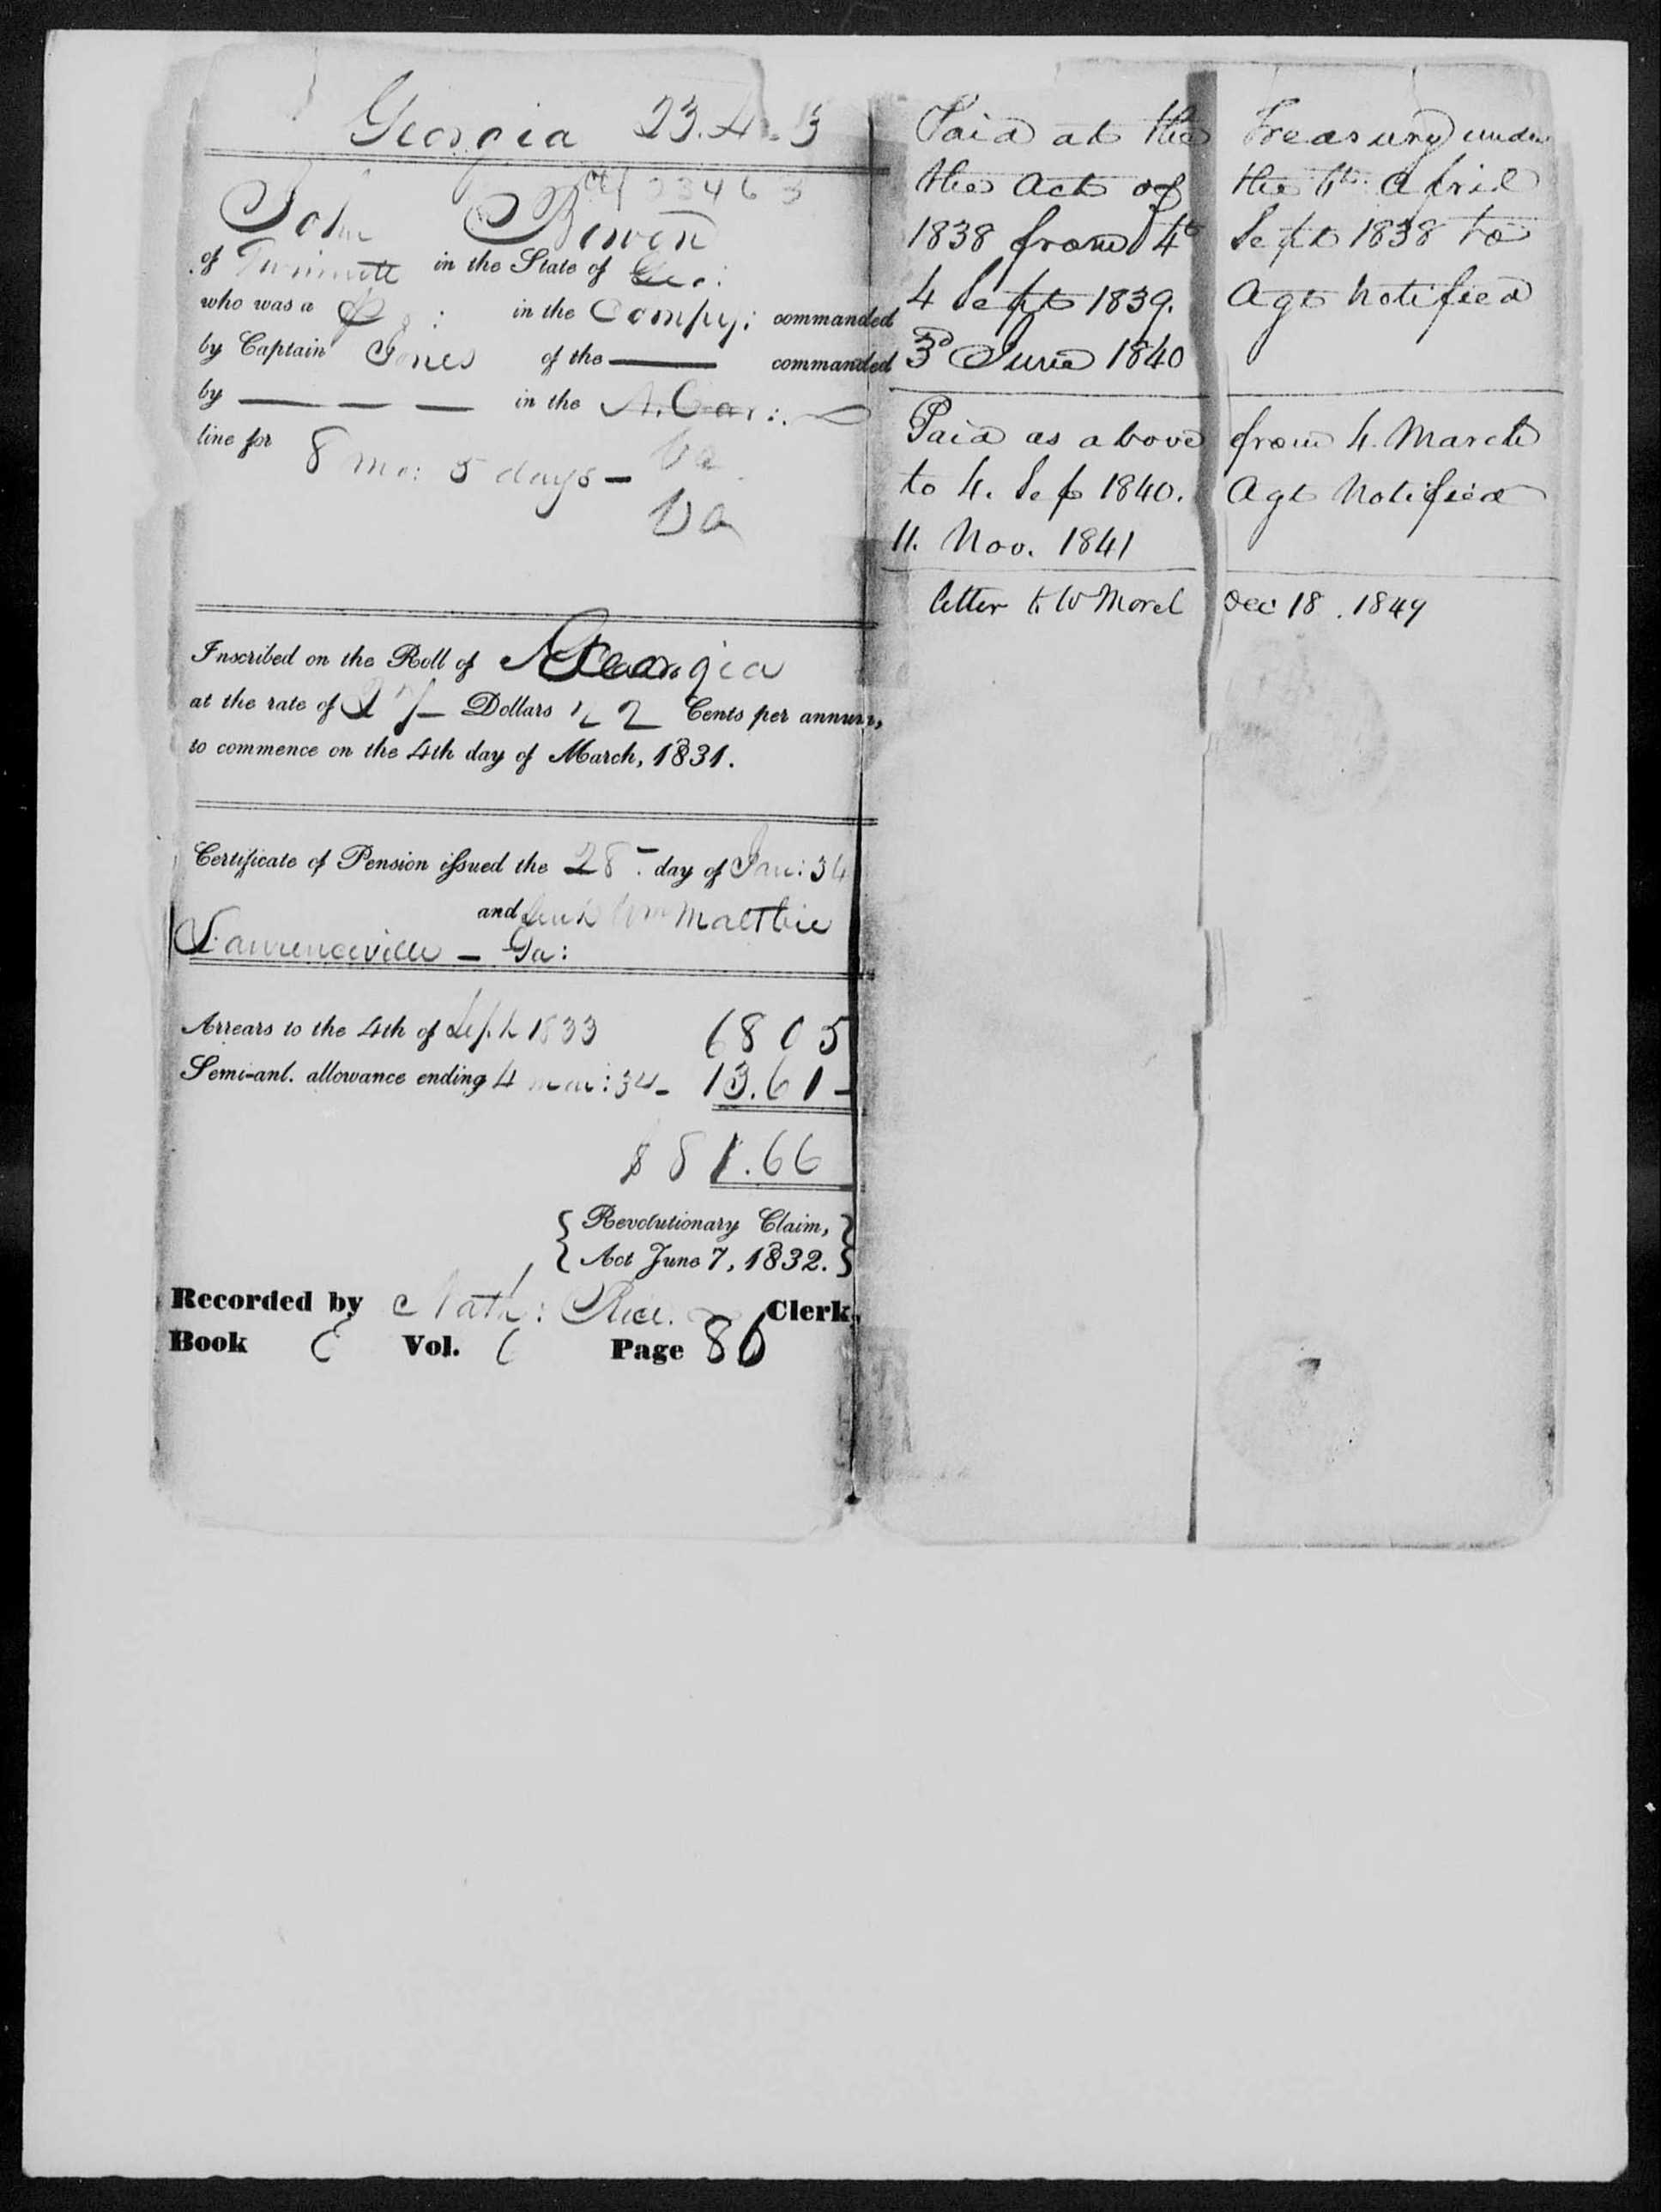Georgia 23,H.3
Ctf 23463
John Bowen
of Gwinnett in the State of Geo.
who was a P in the Company commanded by Captain Jones of _____ commanded by ____ in the [crossed out: N. Car:] Va.
line for 8 mo: 5 days—Va

Inscribed on the Roll of Georgia
at the rate of 27 Dollars 22 Cents per annum to commence on the 4th day of March, 1831.

Certificate of Pension issued the 28th day of Jan:34
and Sent Wm Maltbie
Lawrenceville_Ga:

Arrears to the 4th of Sept 1833 [$]6805
Semi-anl. allowance ending 4 Mar: 3rd.  [$]13.61
[=] $81.66
"Revolutionary Claim,
Act June 7, 1832.}
Recorded by Nath: Rice. Clerk
Book E  Vol. 6  Page 86

Paid at the Treasury under
the Acts of the 6th April
1838 from 4th Sept 1838 to
4 Sept 1839. Agt notified
3d June 1840

Paid as above from 4 March
to 4 Sept 1840. Agt notified
11. Nov. 1841

letter to W Morel Dec 18. 1849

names: Wm Maltbie, Nath Rice, John Bowen, Jones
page: 2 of 20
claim: survivor's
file: S. 32,124, John Bowen, Va.